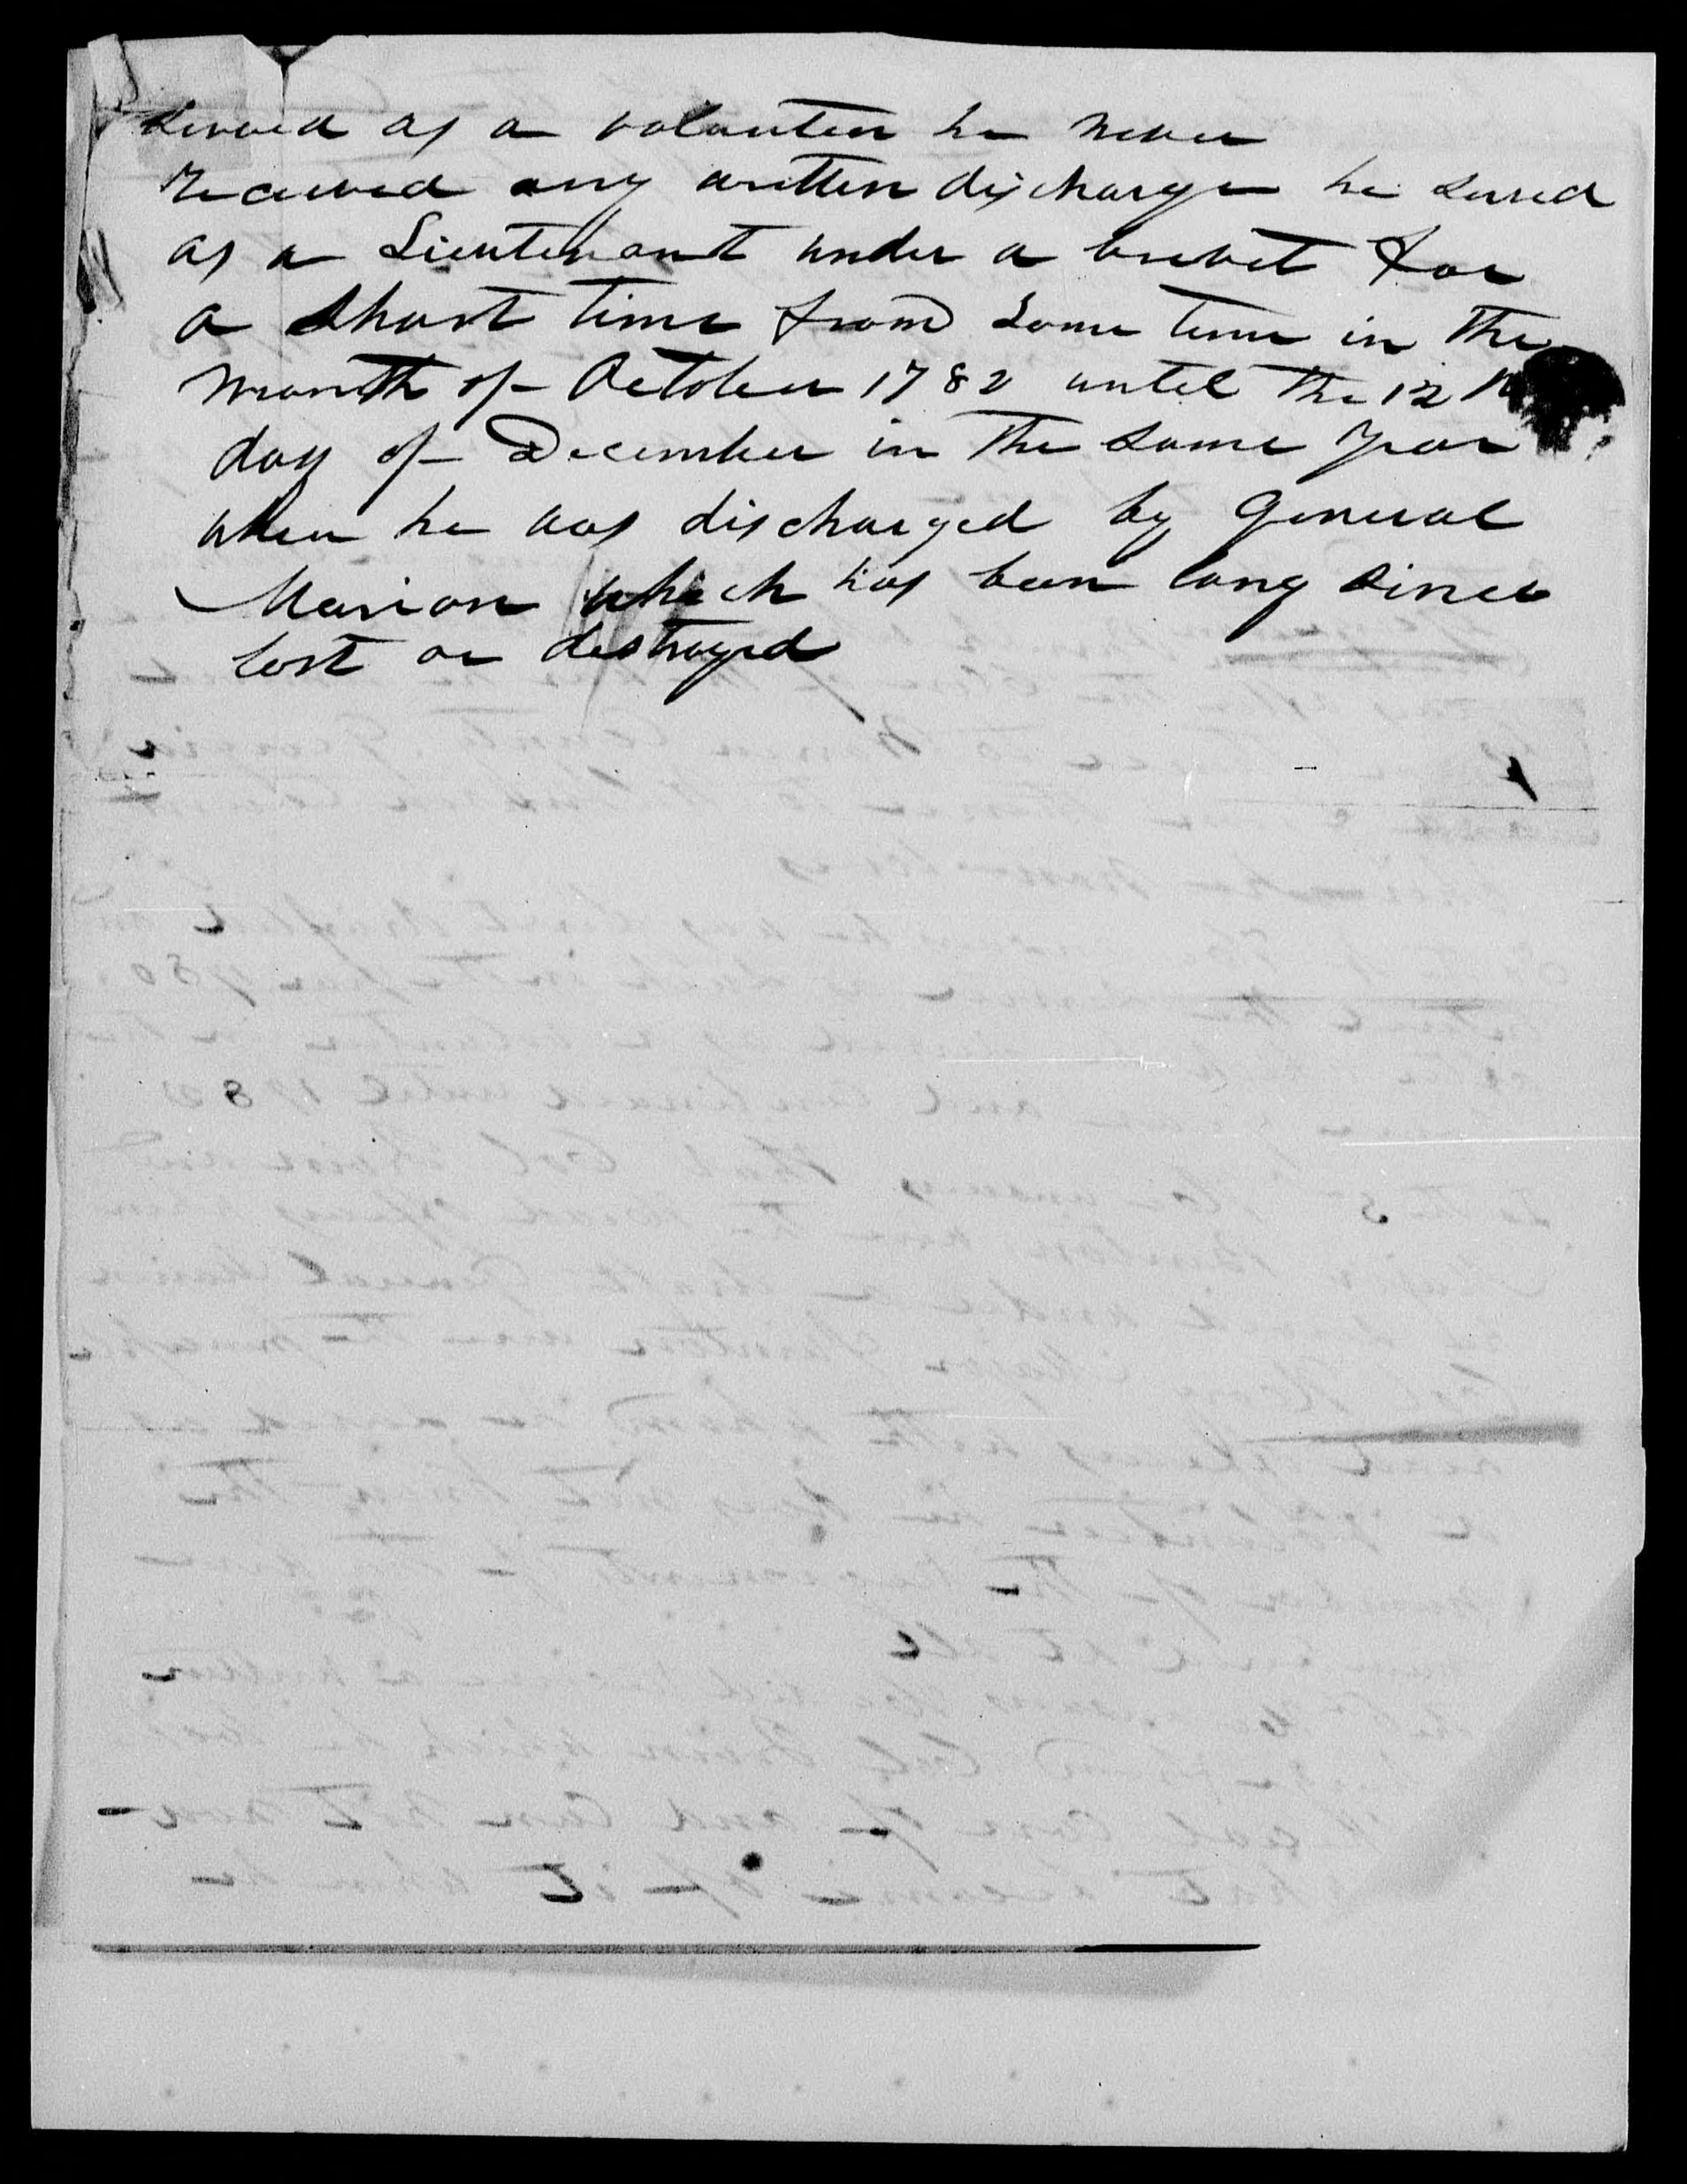removed as a volunteer he never Received any written discharge he served as a Lieutenant under a bribet for a short time from some time in the month of October 1782 until the 12th day of December in the same year when he was discharged by General Marion which has been long since lost or destroyed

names: Marion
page: 20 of 23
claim: rejected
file: R. 1465, Peter Buckholts, S.C.